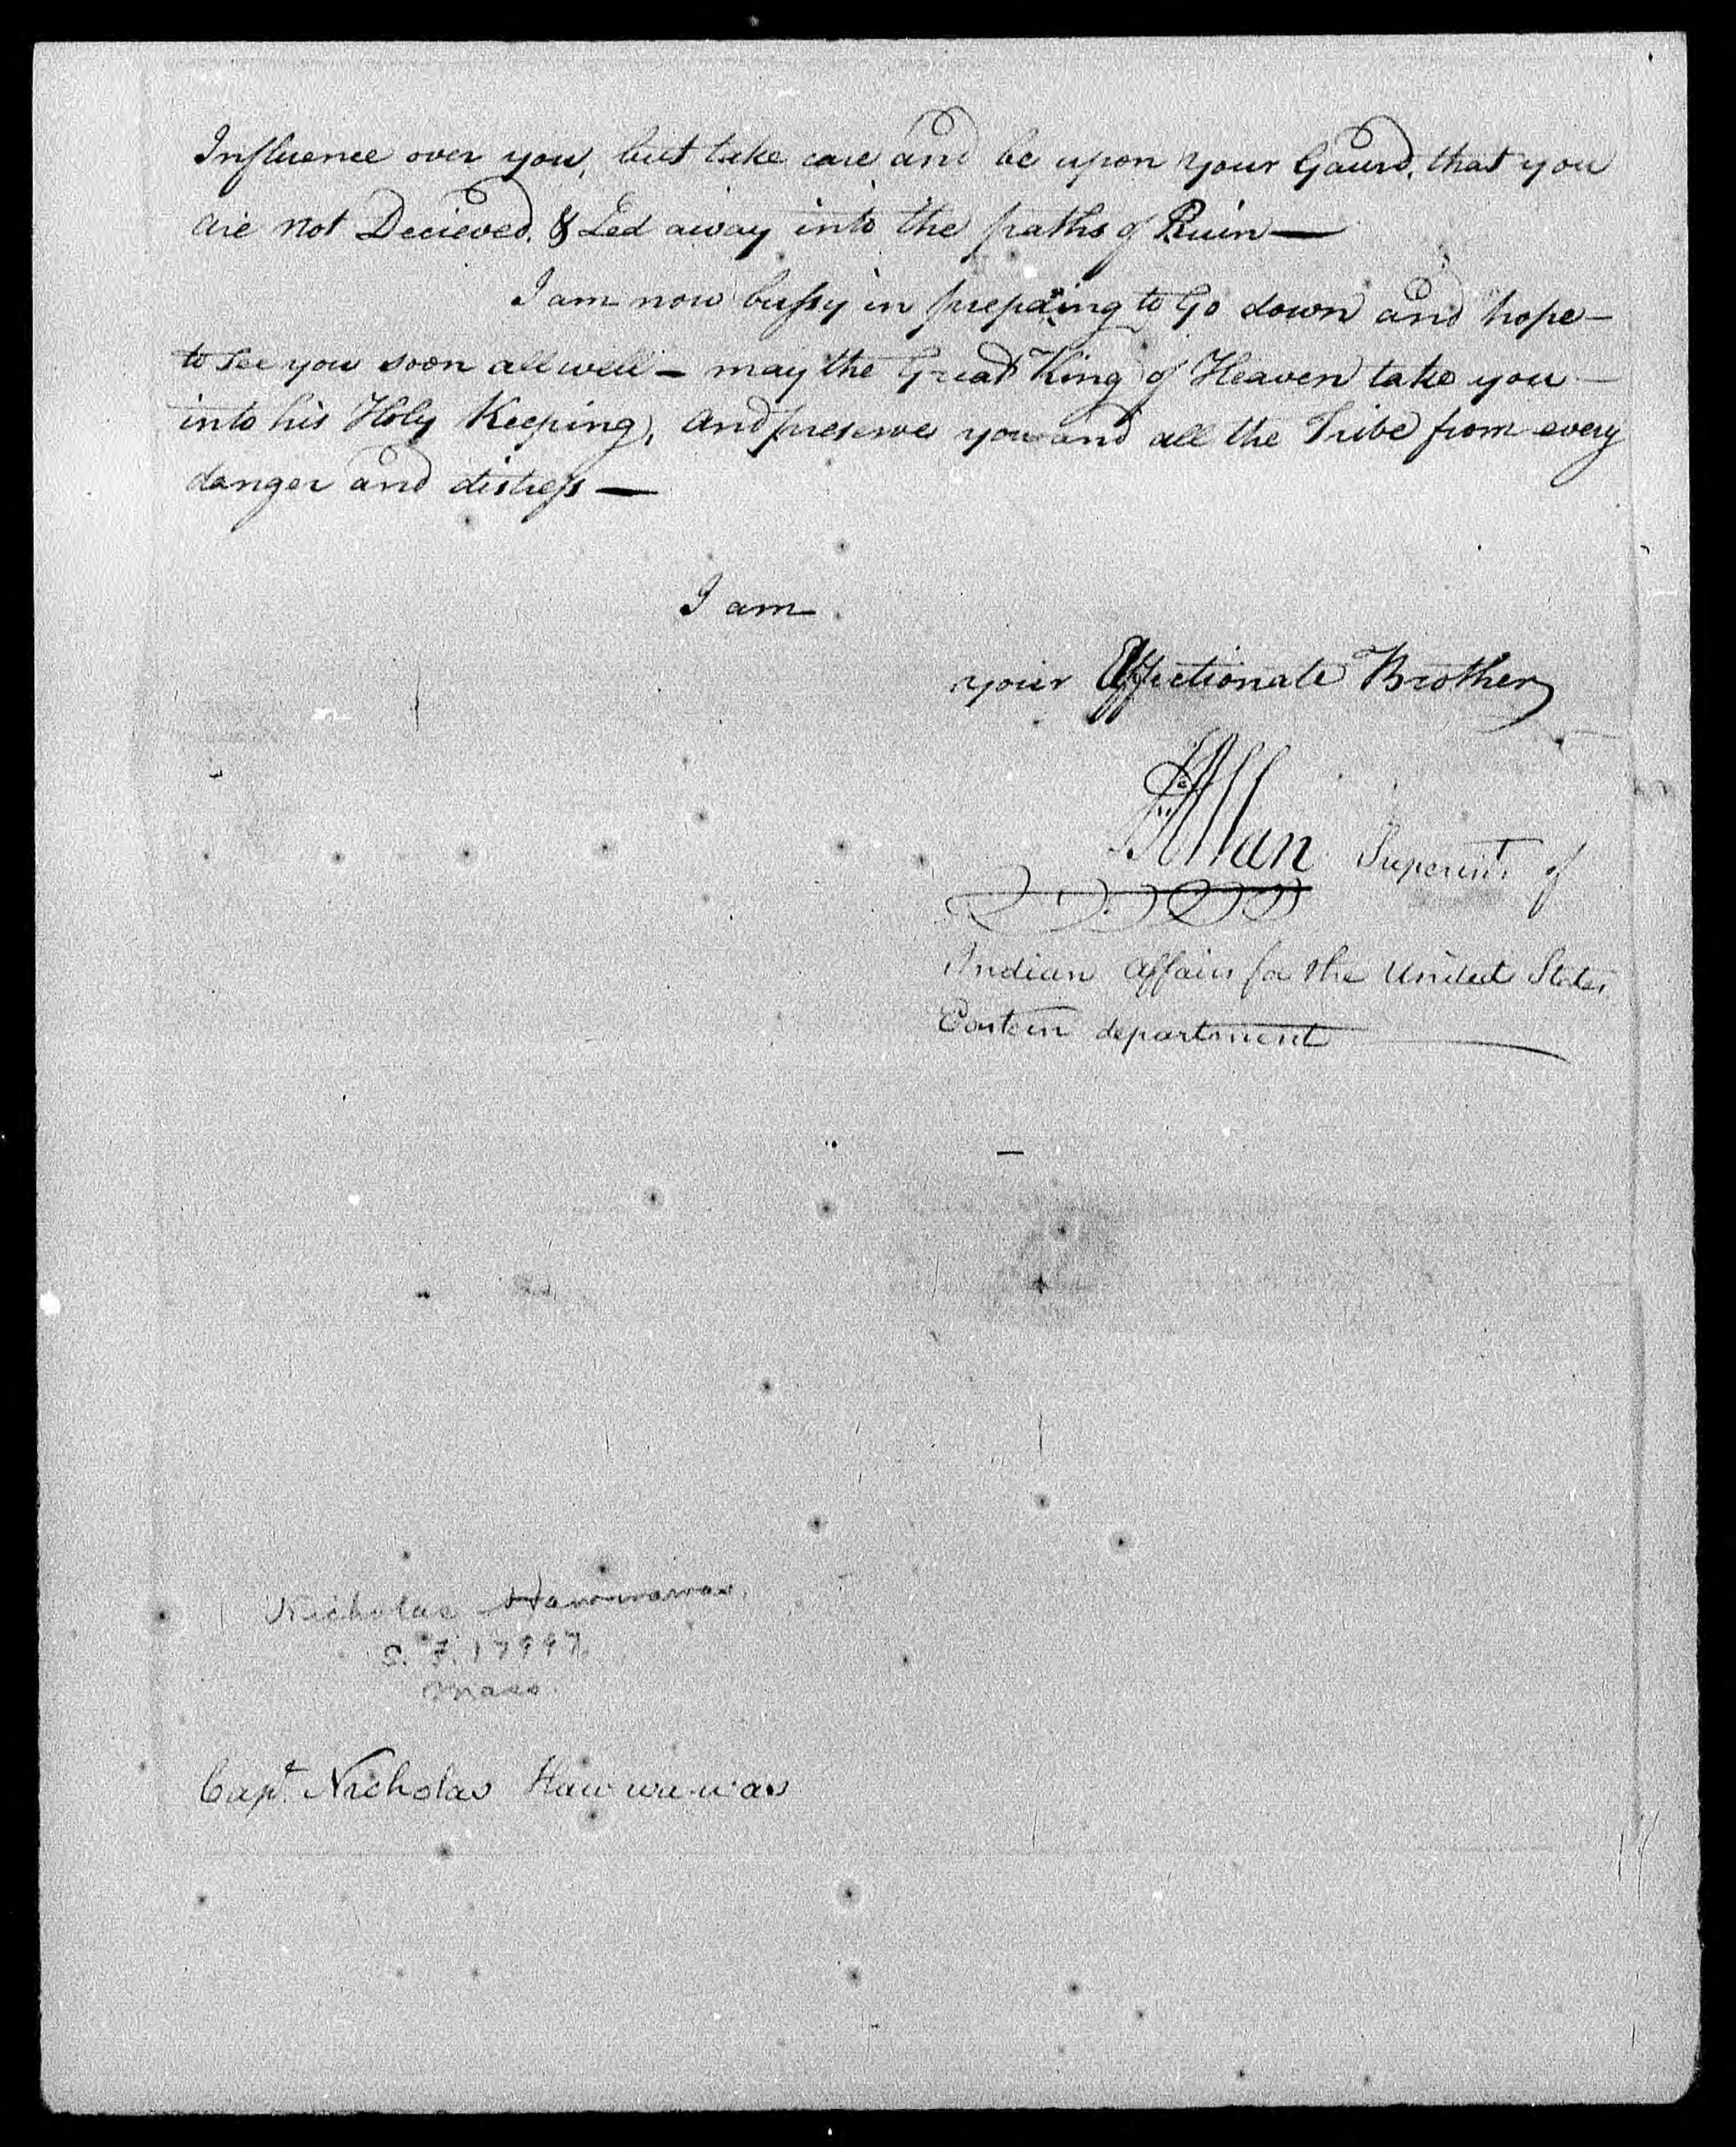Influence over  you, but take care and be upon your guard that you are not Decieved [sic]  & Led away into the paths of Ruin-
I am now busy in preparing to go down and hope-to see you soon all well-may the Great Kin of Heaven take you-into his Holy Keeping, and preserve you and all the Tribe from every danger and distress-
I am
your Affectionate Brother
Allan 
Superint[illegible]
of Indian Affairs for the United States 
Eastern department-
Nicholas Hawwawas
S.F. 17997
Mass
Capt Nicholas Haw-wa-was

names: Nicholas Hawwawas, J Allan, Nicholas Hawwawas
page: 23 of 52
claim: survivor's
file: S 17997, Nicholas Hawwawas, Mass.